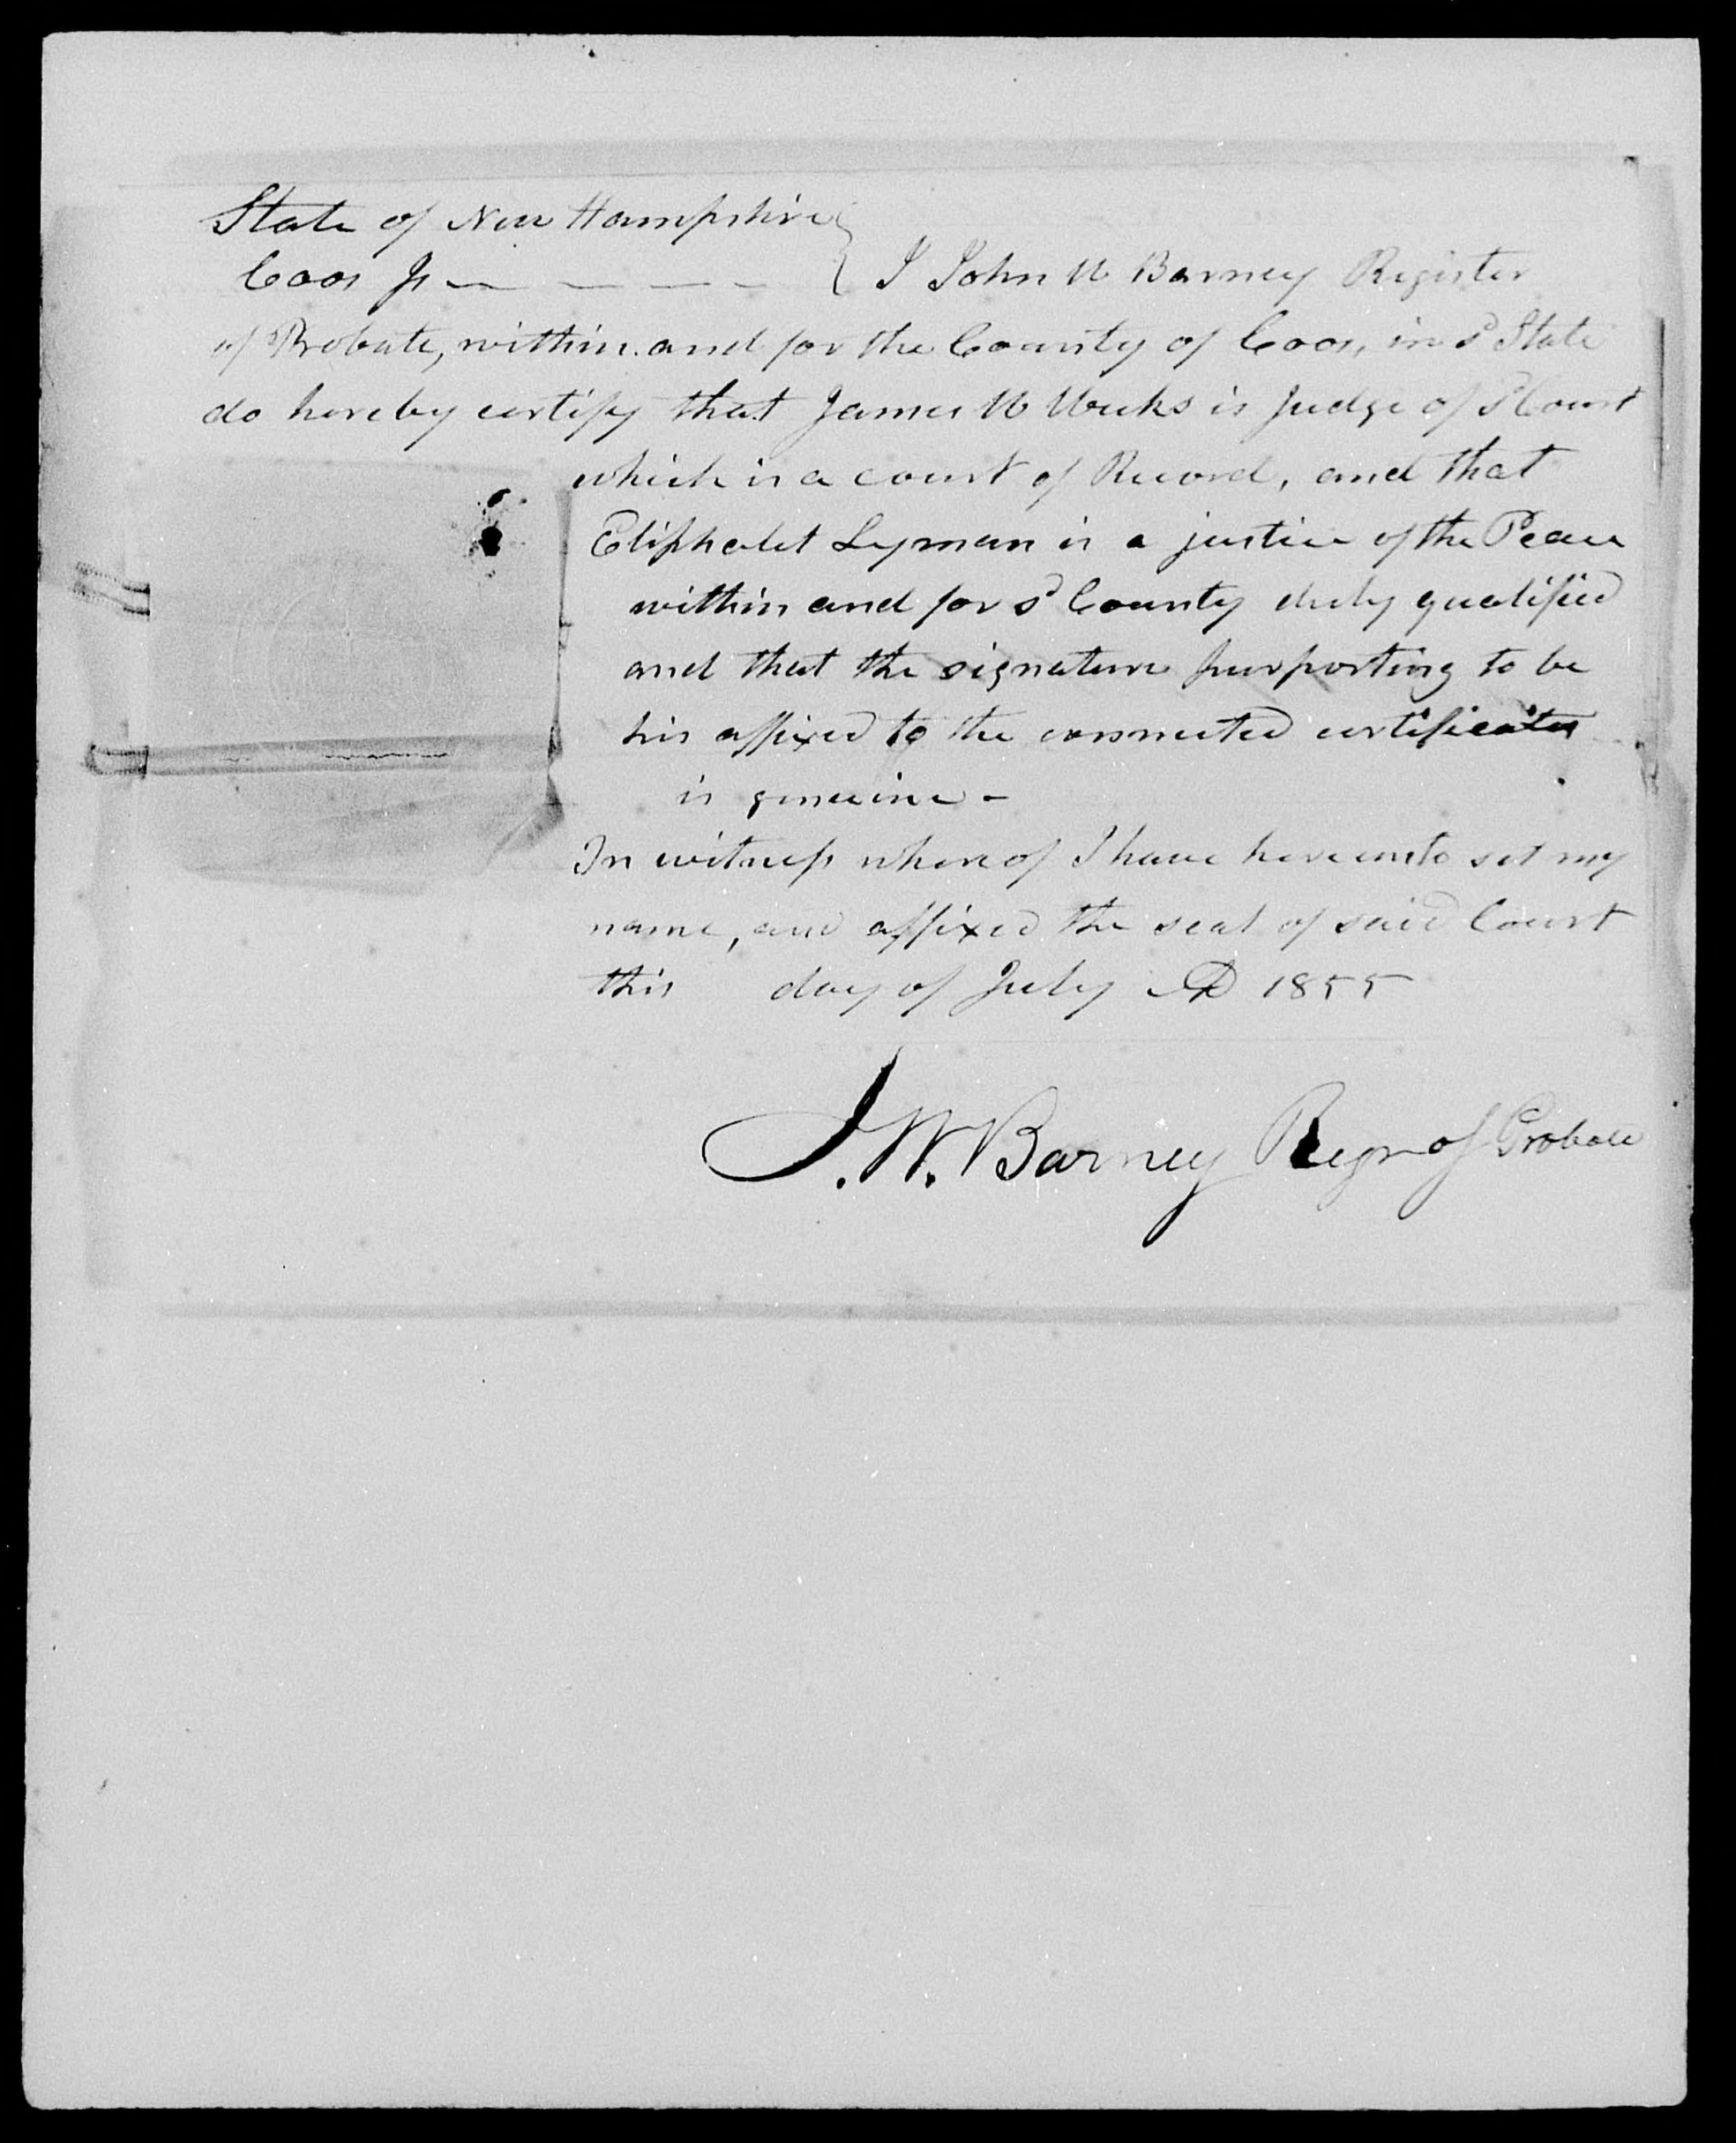State of New Hampshire
Coos Ss.
I John W Barney Register
of Probate, within and for the County of Coos in sd State
do hereby certify that James W Weeks is Judge of Court
which is a Court of Record, and that
Eliphalet Lyman is a justice of the Peace
within and for sd County duly qualified
and that the signature purporting to be
his affixed to the committed certificates
is genuine-
In witness whereof I have hereunto set my
name, and affixed the seal of said Court
this
day of July AD 1855
J.W. Barney Regr of Probate
[Paper seal attached - illegible]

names: John W Barney, Eliphalet Lyman, J W Barney, James W Weeks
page: 10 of 59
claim: widow's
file: W. 23017, Richard Clair Everett, Mass.